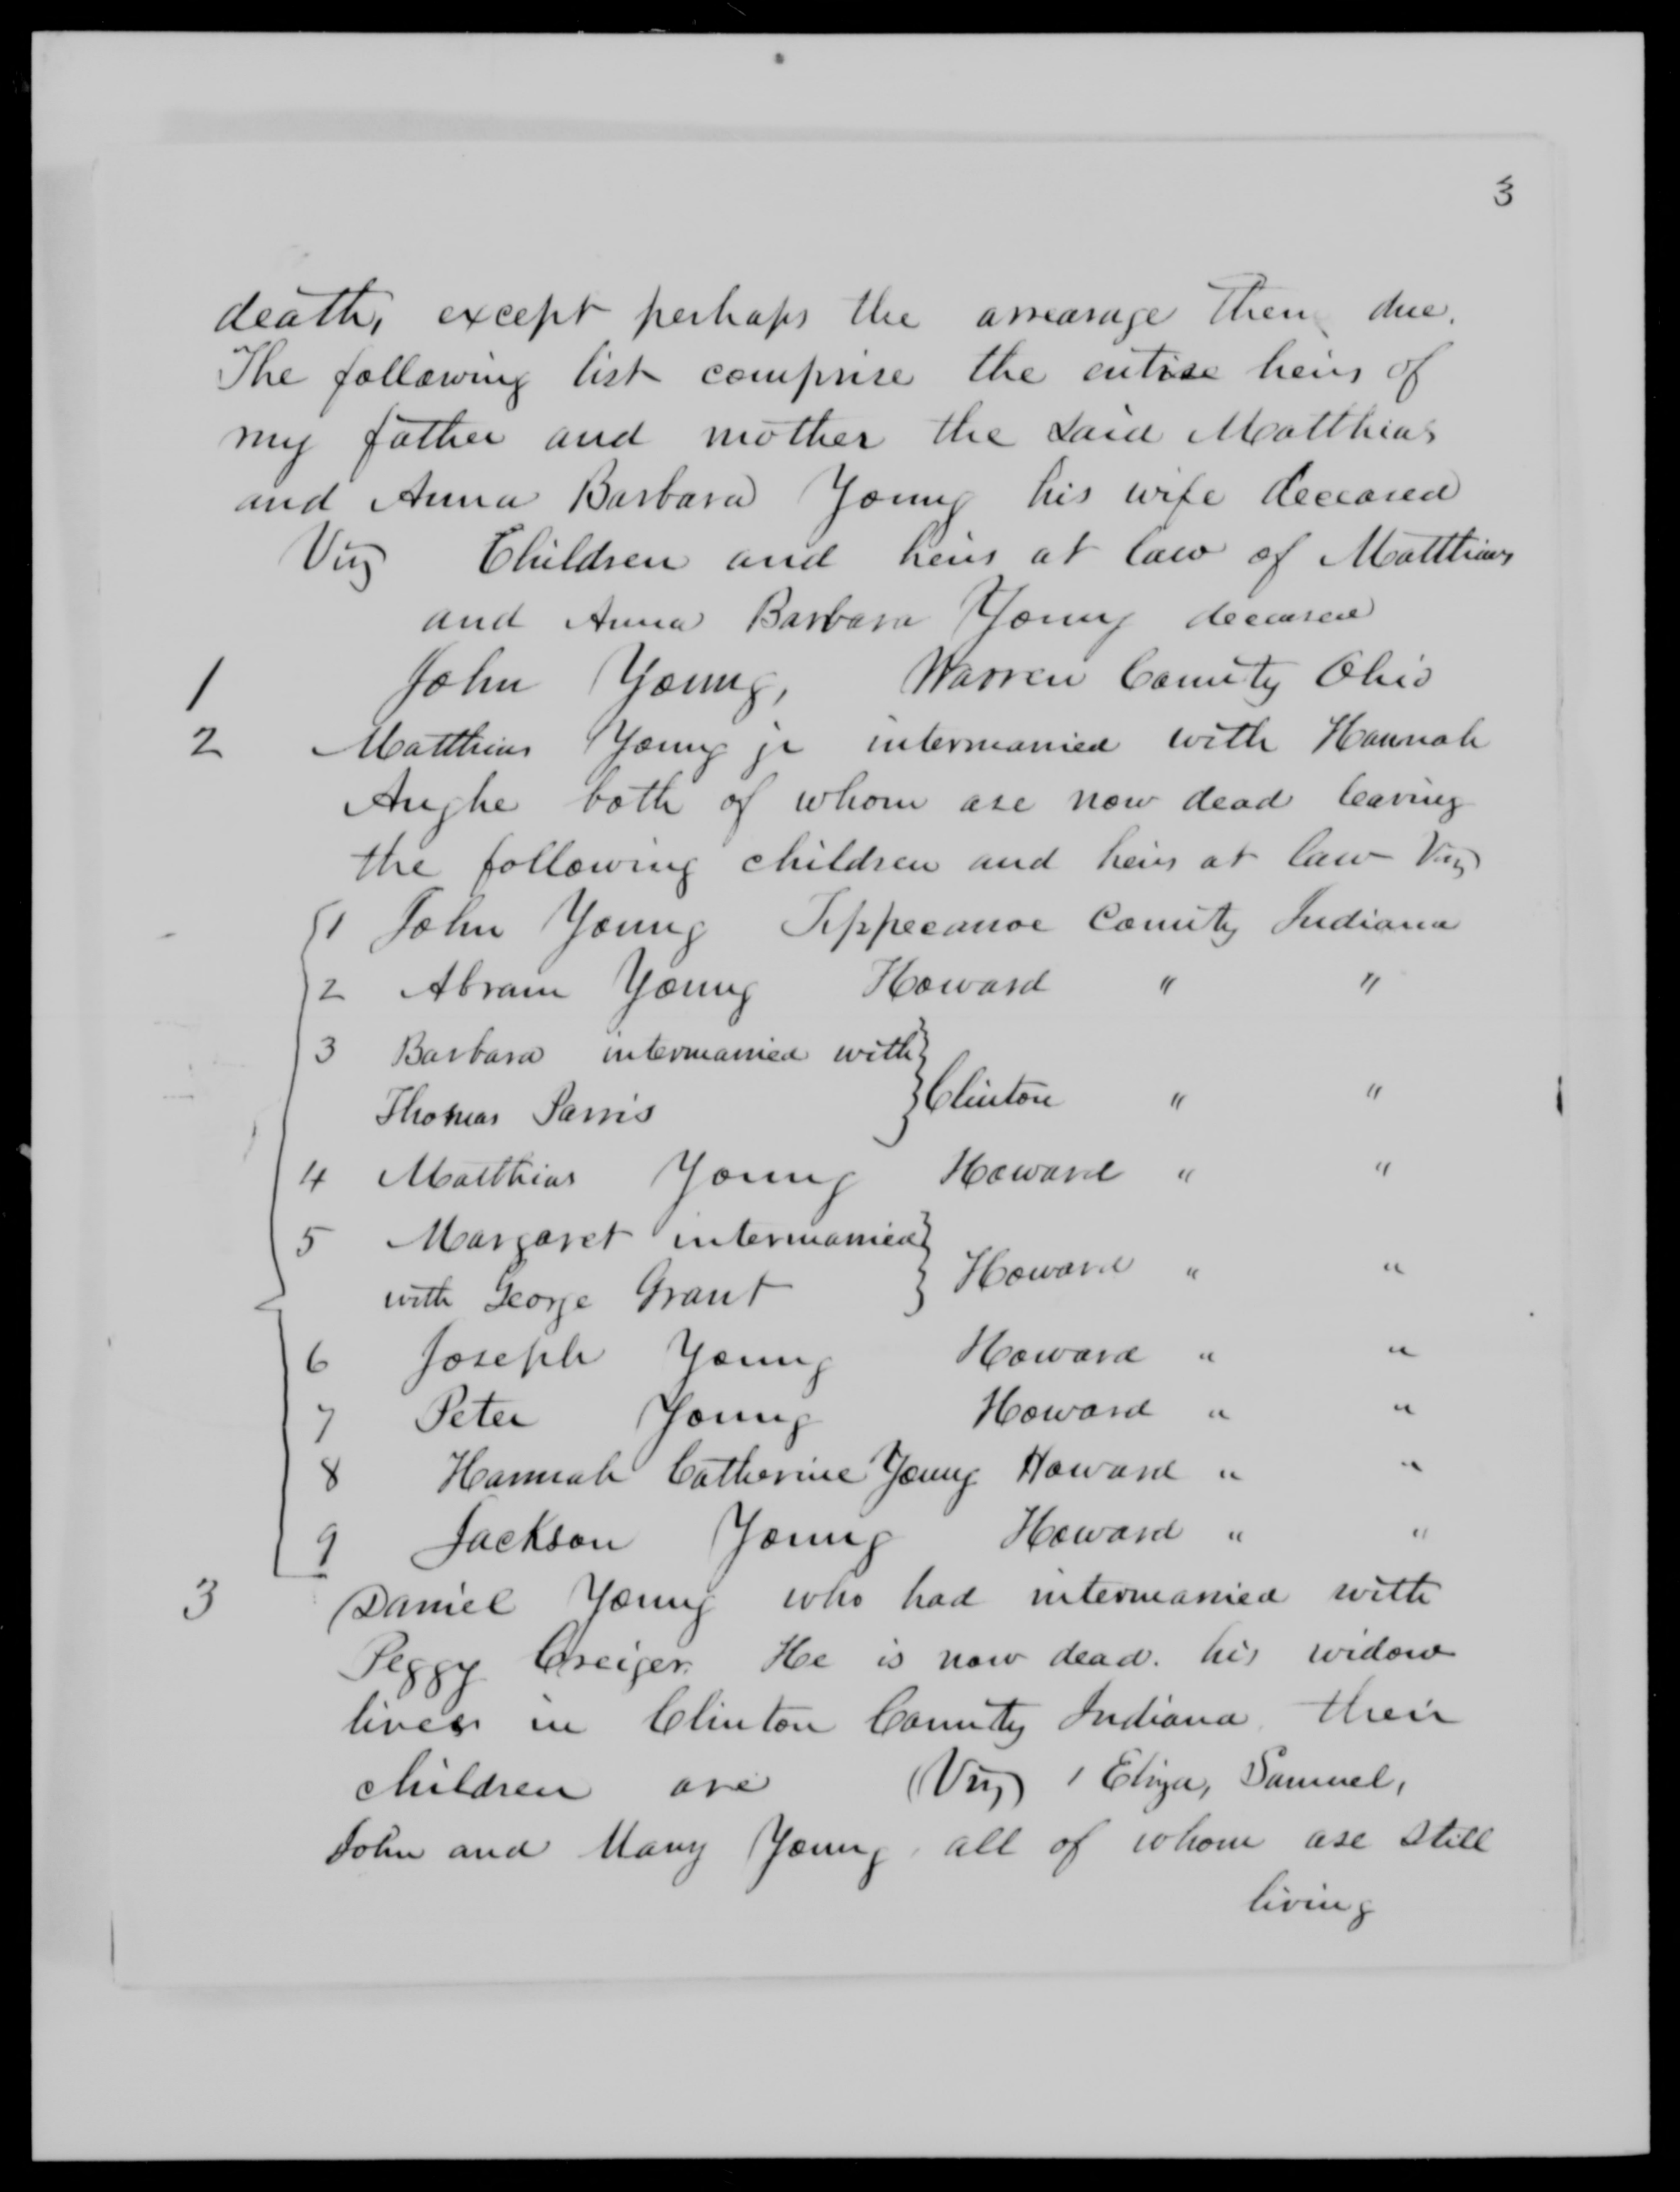3
death, except perhaps the arrearage then due.
The following list comprise the entire heirs of my
father and mother the said Matthias and 
Anna Barbara Young, his wife deceased.
Viz
Children and heirs at law of Matthias and
Anna Barbara Young deceased

1 John Young Warren County Ohio
2 Matthias Young Jr intermarried with Hannah
Aughe both of whom are now dead leaving
the following children and heirs at law viz
1 
John Young Tippecanoe County Indiana
2 Abram Young Howard [County Indiana]
3 Barbara intermarried with Thomas Parris  Clinton [County Indiana]
4 Matthias Young Howard [County Indiana]
5 Margaret intermarried with George Grant Howard [County Indiana]
6 Joseph Young Howard [County Indiana]
7 Peter Young Howard [County Indiana]
8 Hannah Catherine Young Howard [County Indiana]
9 Jackson Young Howard [County Indiana]

3 Daniel Young who had intermarried with
Peggy Creiger. He is now dead his widow
lives in Clinton County Indiana their
children are (Viz)  Eliza, Samuel,
John and Mary Young, all of whom are still
living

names: John Young, Hannah Aughe, Hannah Catherine Young, Mary Young, Abram Young, Peter Young, Thomas Parris, Margaret, Peggy Creiger, Barbara, Samuel, Daniel Young, Anna Barbara Young, Eliza, Joseph Young, Jackson Young, George Grant, Matthias Young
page: 22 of 123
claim: rejected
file: R. 11,949, Matthias Young, Md.